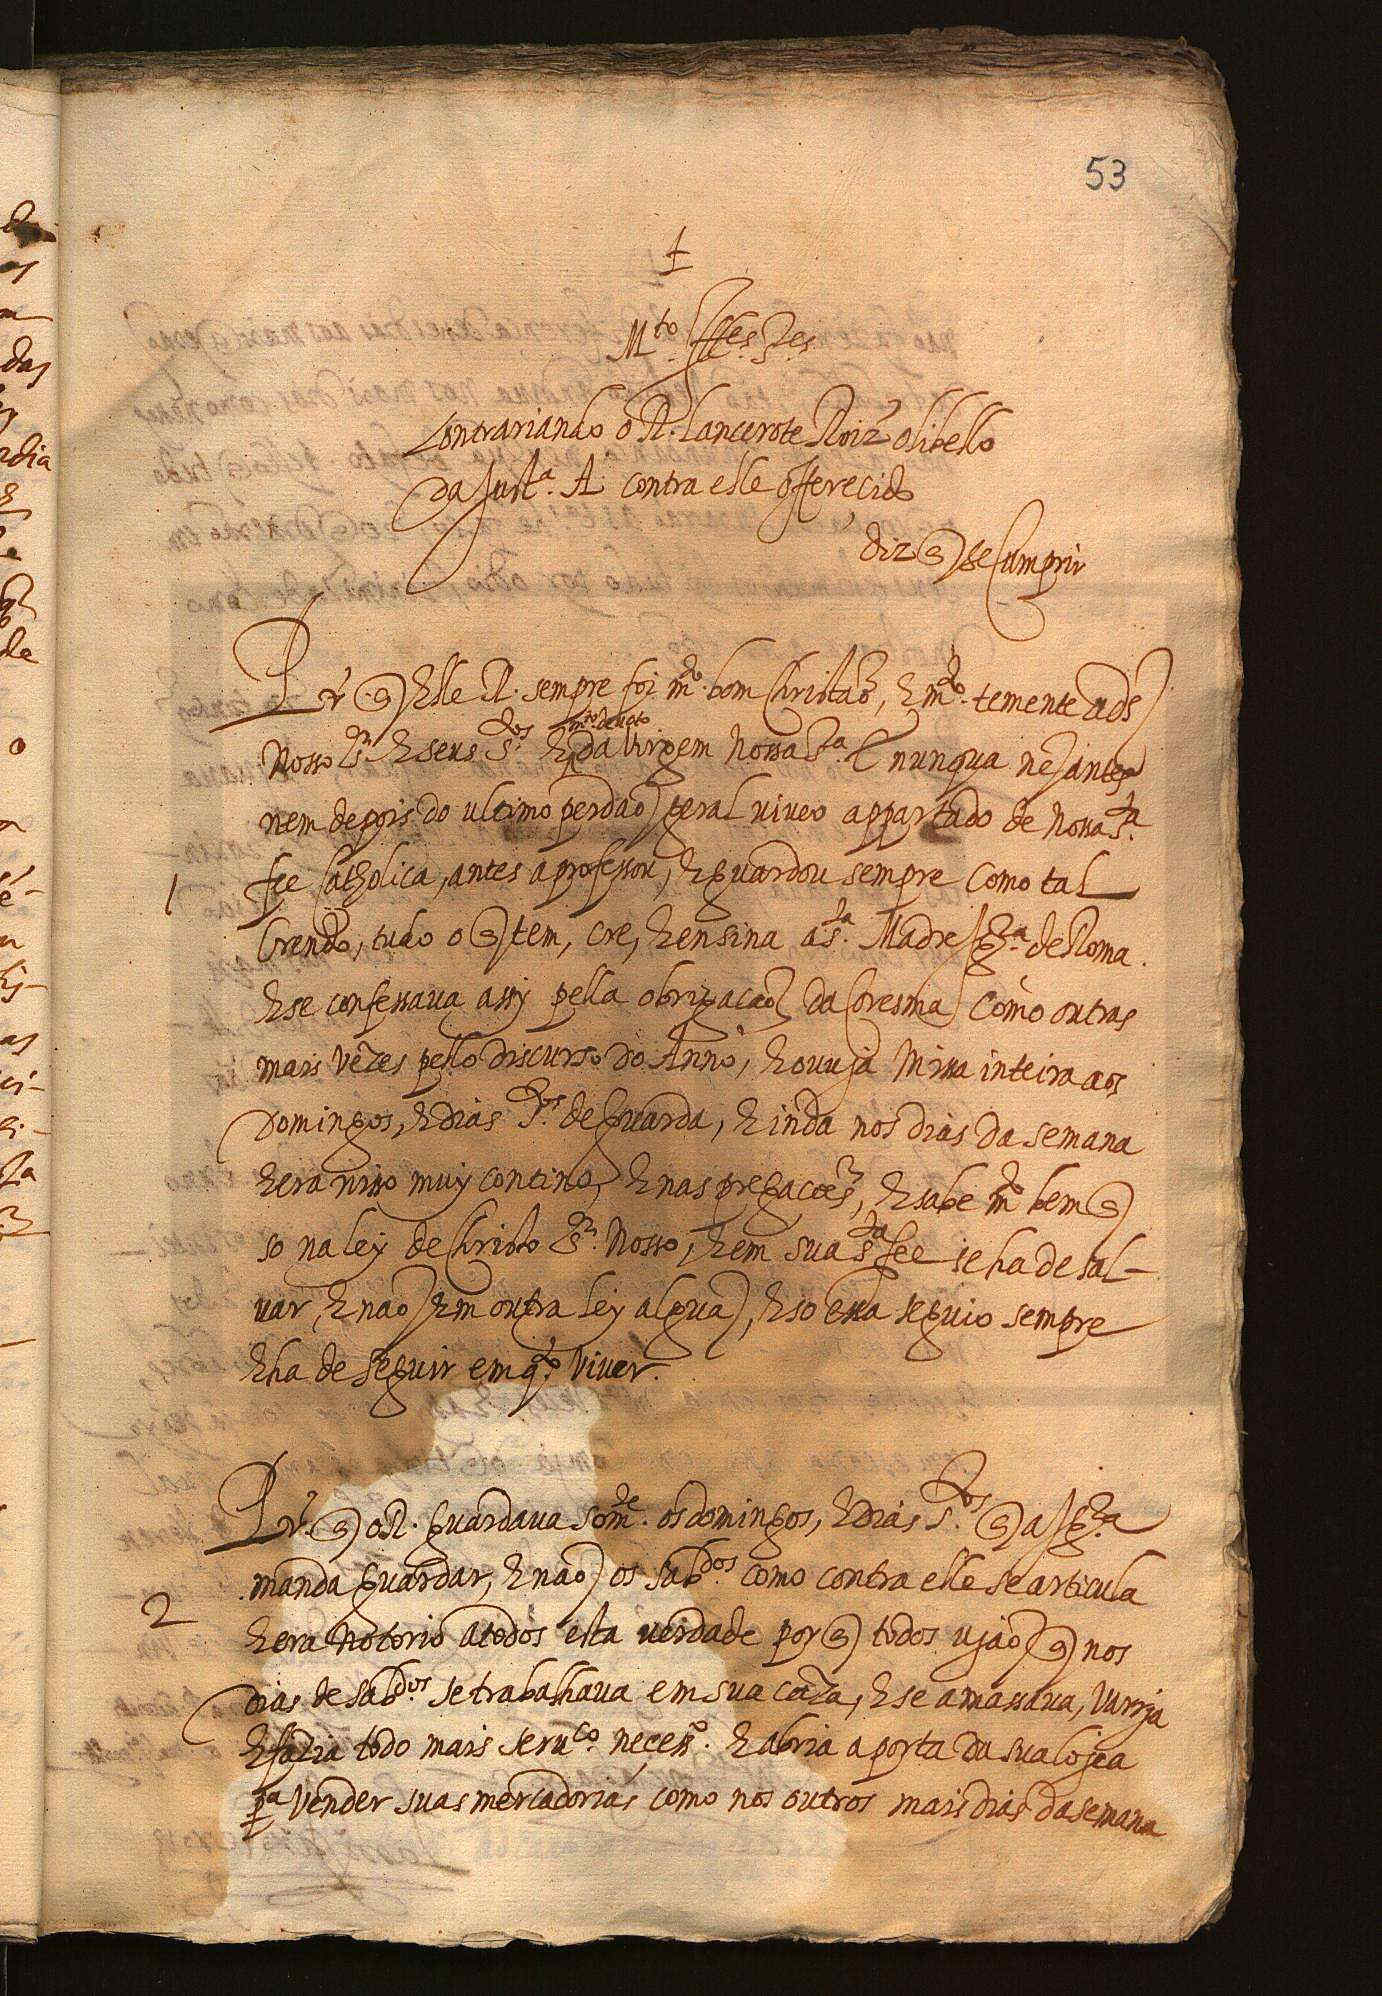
Mto. Jl̄les. sres.
contrariando o R. Lancerote Roiz̄ o libello
da Justa. A contra elle offerecido
diz q̄ se Cumprir
Porq̄ Elle R. sempre foi mto. bom Christão, E mto. temente a ds̄
nosso sor E seus S.tos E
da virgem nossa sra. E nunqua nē antes
mto. deuoto
nem depois do ultimo perdão geral uiueo appartado de nossa sta.
fee Catholica, antes a professou, E guardou sempre como taL
Crendo, tudo o q̄ tem, cre, E ensina a sta. Madre Jgra. de Roma
E se confessaua assy pella obrigação da Coresma como outras
mais vezes pello discurso do Anno, E ouuja missa inteira aos
Domingos, E dias stos. de Guarda, E inda nos dias da semana
E era nisso muy contino, E nas pregações, E sabe mto bem q̄
so na ley de Christo sor. nosso, E em sua sta fee se hade saL
uar, E não Em outra ley alguā, E so essa seguio sempre
E ha de seguir emqto. viuer.
Porq̄ o R. guardaua somte. os domingos, E dias stos. q̄ a Jg.ra
manda guardar, E não os sabdos. como contra elle se articula
E era notorio a todos esta uerdade porq̄ todos ujão q̄ nos
dias de sabdos. se trabalhaua em sua caza, E se amassaua, varrja
E fazia todo o mais seruço. necesso. E abria a porta da sua lojea
ꝑa vender suas mercadorias como nos outros mais dias da semana
